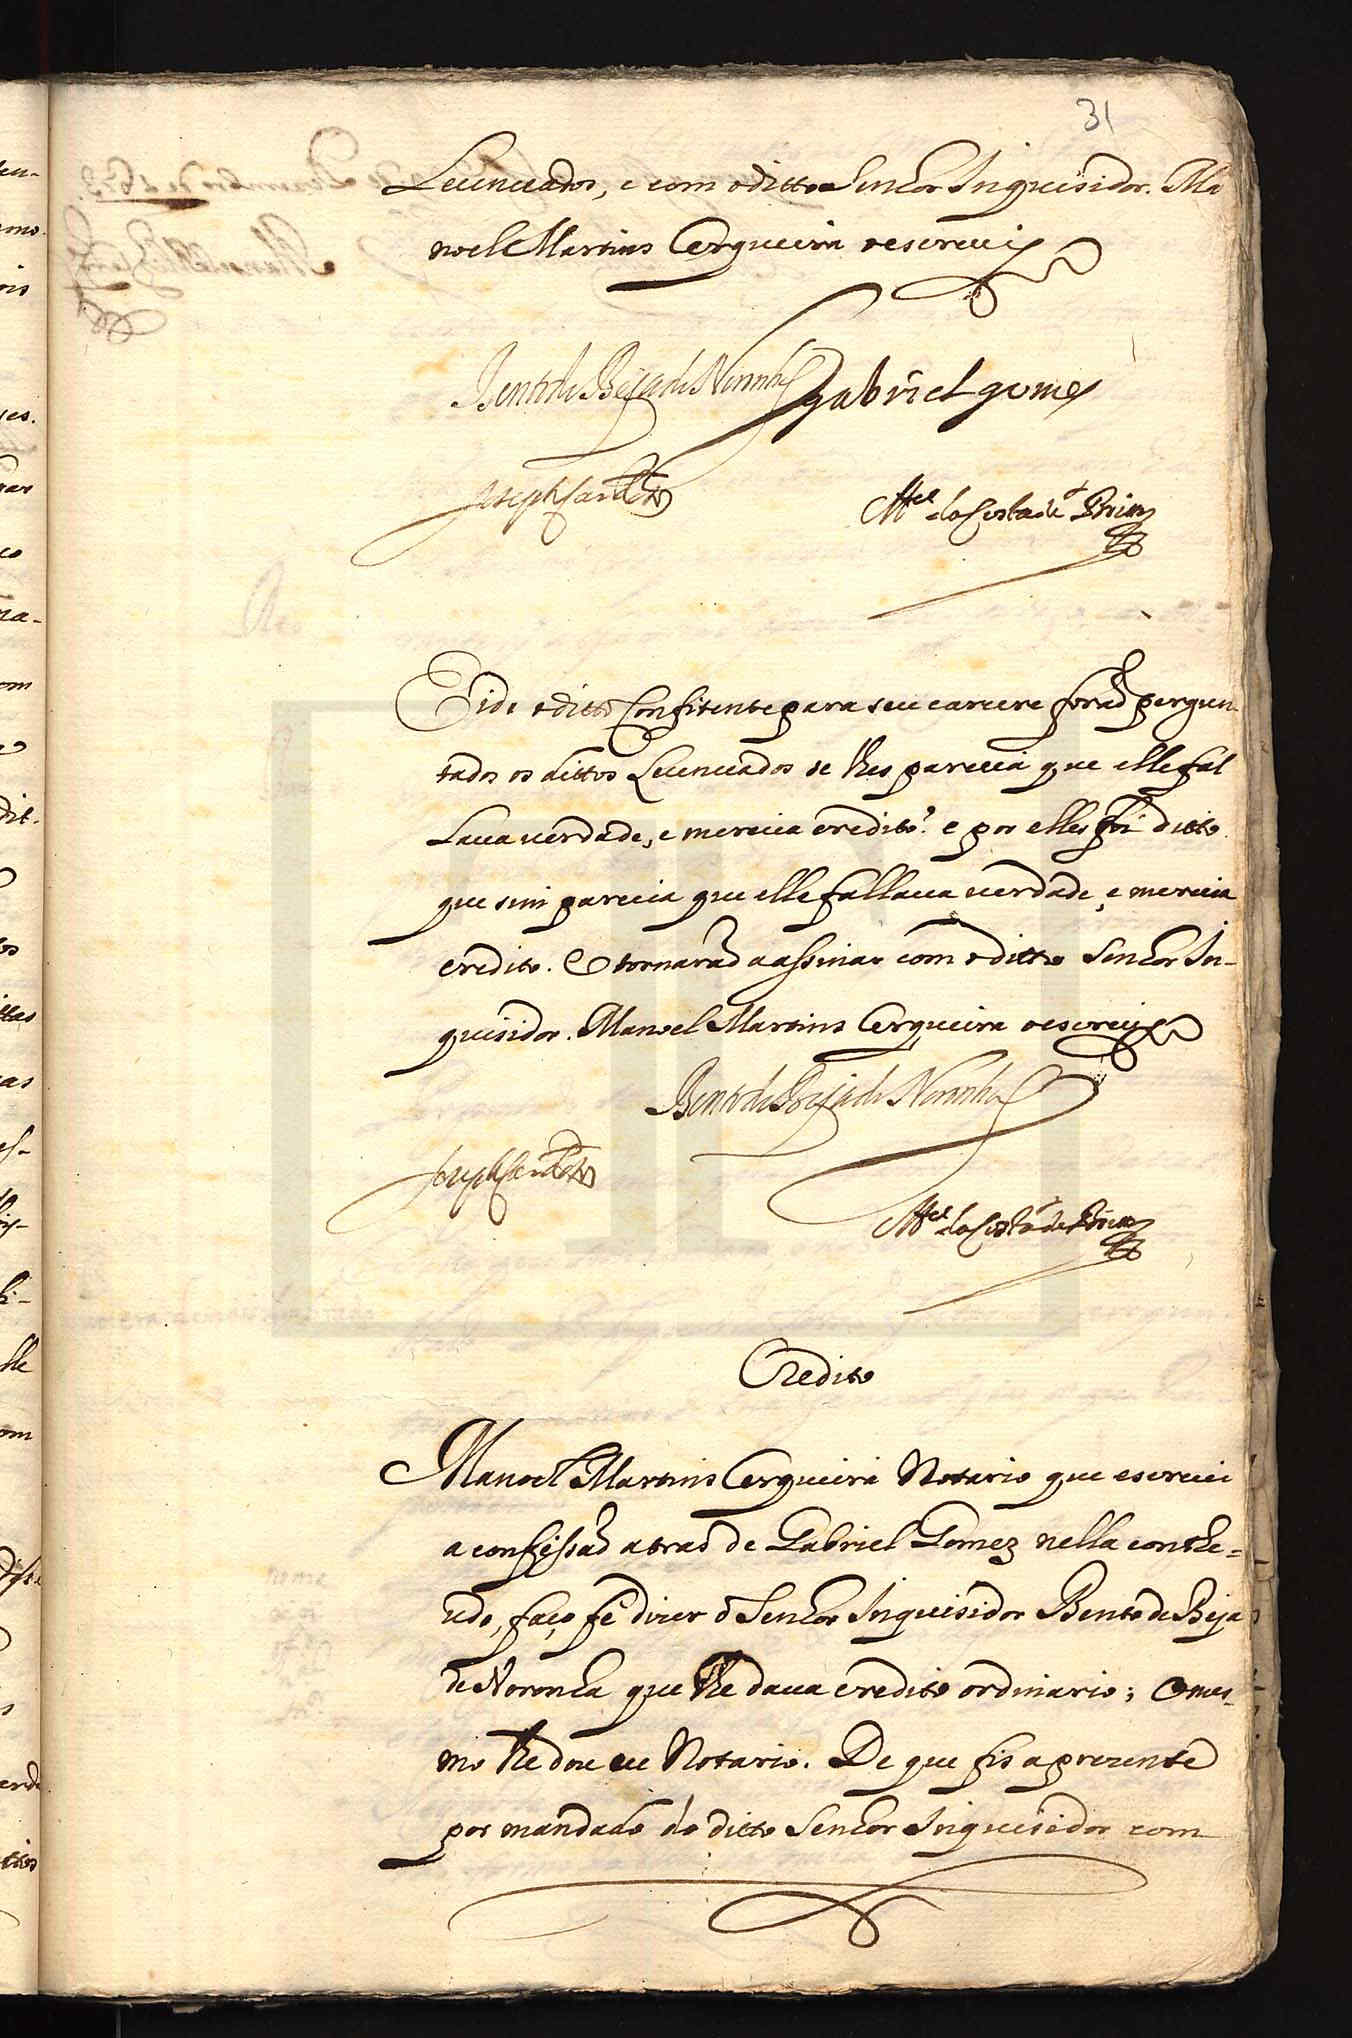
Lecenceados, e com o ditto senhor Inquisidor Ma
noel Martins Cerqueira o escreui
Bento de Beja de Noronha gabriel gomes
Joseph Cardoso Mel da Costa de Britto
E ido o ditto Confitente para seu carcere foraõ pergun
tados os dittos Lecenceados se lhes parecia que elle fal
Laua uerdade, e merecia credito e por elles foi ditto
que sim parecia que elle fallaua uerdade, e merecia
credito e tornarão a assinar com o ditto Senhor In
quisidor Manoel Martins Cerqueira o escreui
Bento de Beja de Noronha
Joseph Cardoso
Mel da Costa de Britto
Credito
Manoel Martins Cerqueira Notario que escreui
a confissaõ atras de Gabriel Gomez nella conthe
udo, faço fe dizer o Senhor Inquisidor Bento de Beja
de Noronha que lhe daua credito ordinario; O mes
mo lhe dou eu Notario. De que fis a prezente
por mandado do ditto Senhor Inquisidor com
